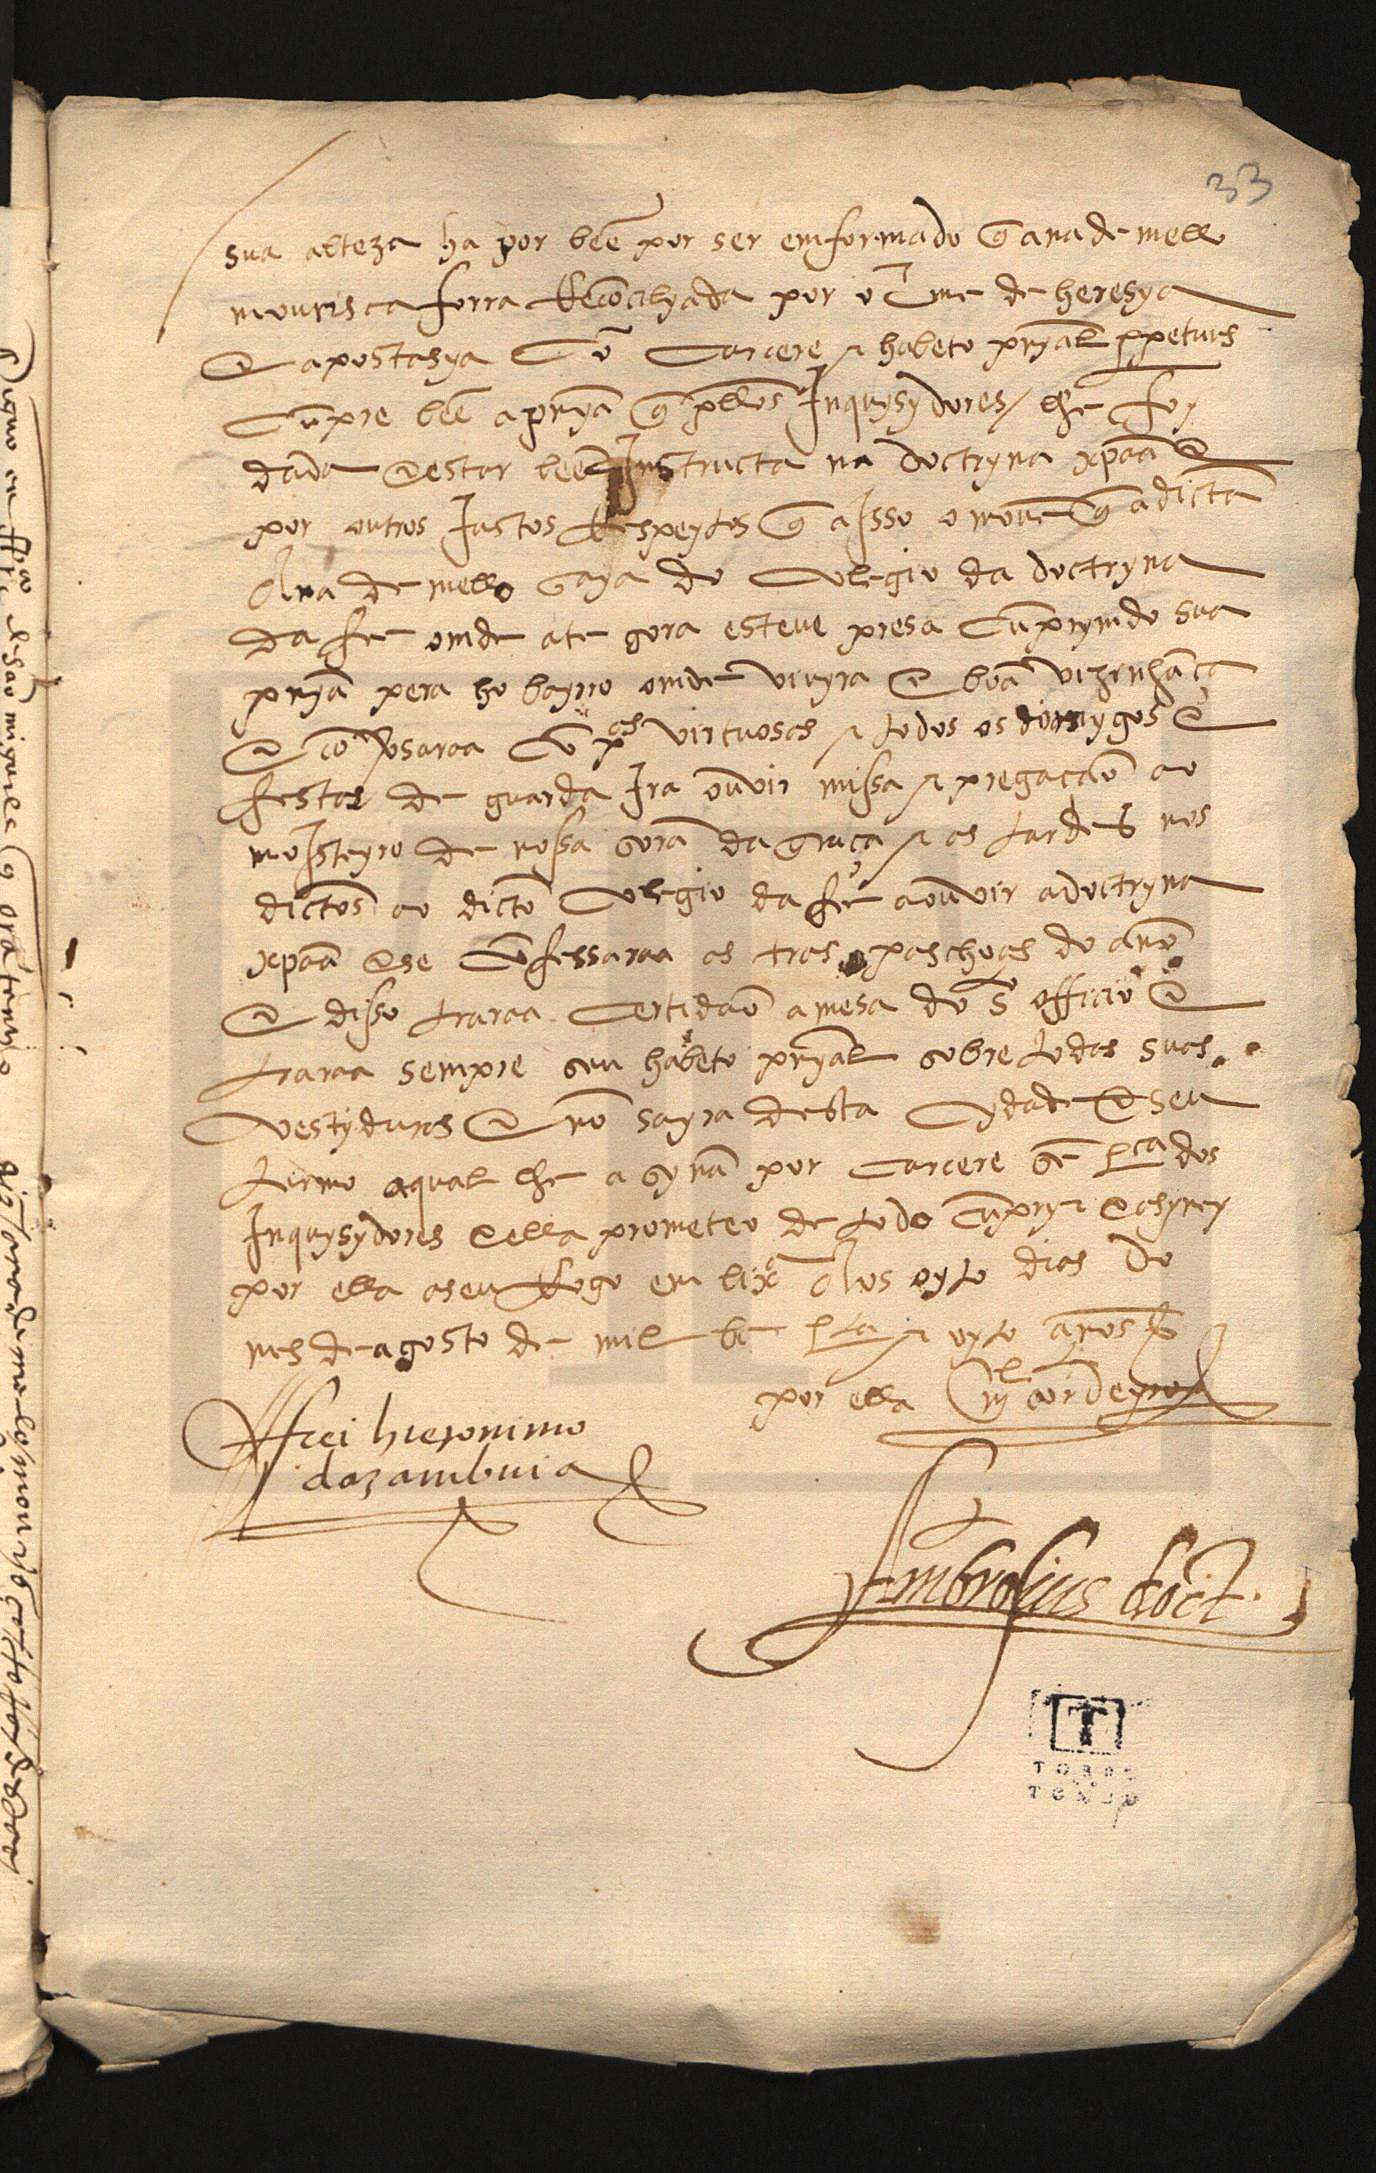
sua alteza ha por beē por ser emformado q̄ ana de mello
mourisca forra Rec̄ocilyada por o cime de heresya
e apostasya Cō Carcere e habeto pn̄yaL ꝑpetuus
Cūpre beē a pn̄ya q̄ p̄llos Jnquysydores / lhe foy
dada e estar beē Jnstructa na doctryna xp̄aa e
por outros Justos Respeytos q̄ a Jsso o moūe q̄ a dicta
Ana de mello saya do Colegio da doctryna
Da fee omde ate gora esteue presa Cūprymdo sua
pnȳa pera ho bayrro omde viuyra ē bōa vizinhāça
e c̄oꝟsaraa Cō pas virtuosas e todos os domygos e
festas de guarda Jra ouvir missa e pregaçaõ ao
moJsteyro de nossa sor̄a da graça e as tardes nos
dictos ao dicto Colegio da fee a ouvir a doctryna
xpāa e se Cōfessaraa as tras paschoas do an̄o
e disso traraa Certidaõ a mesa do sto officio e
traraa sempre seu habeto pn̄yaL sobre todas suas
vestyduras e n̄o sayra desta Cydade e seu
termo a quaL lhe asynā por Carcere s̄e Lça dos
Jnquysydores e ella prometeo de todo c̄upryr e asyney
por ella a seu Rogo em lixa Aos oyto dias do
mes de agosto de mil bc Lta e oyto ānos
por ella mel cordeyro
frei hieronimo
dazambuia
Ambrosius doct
